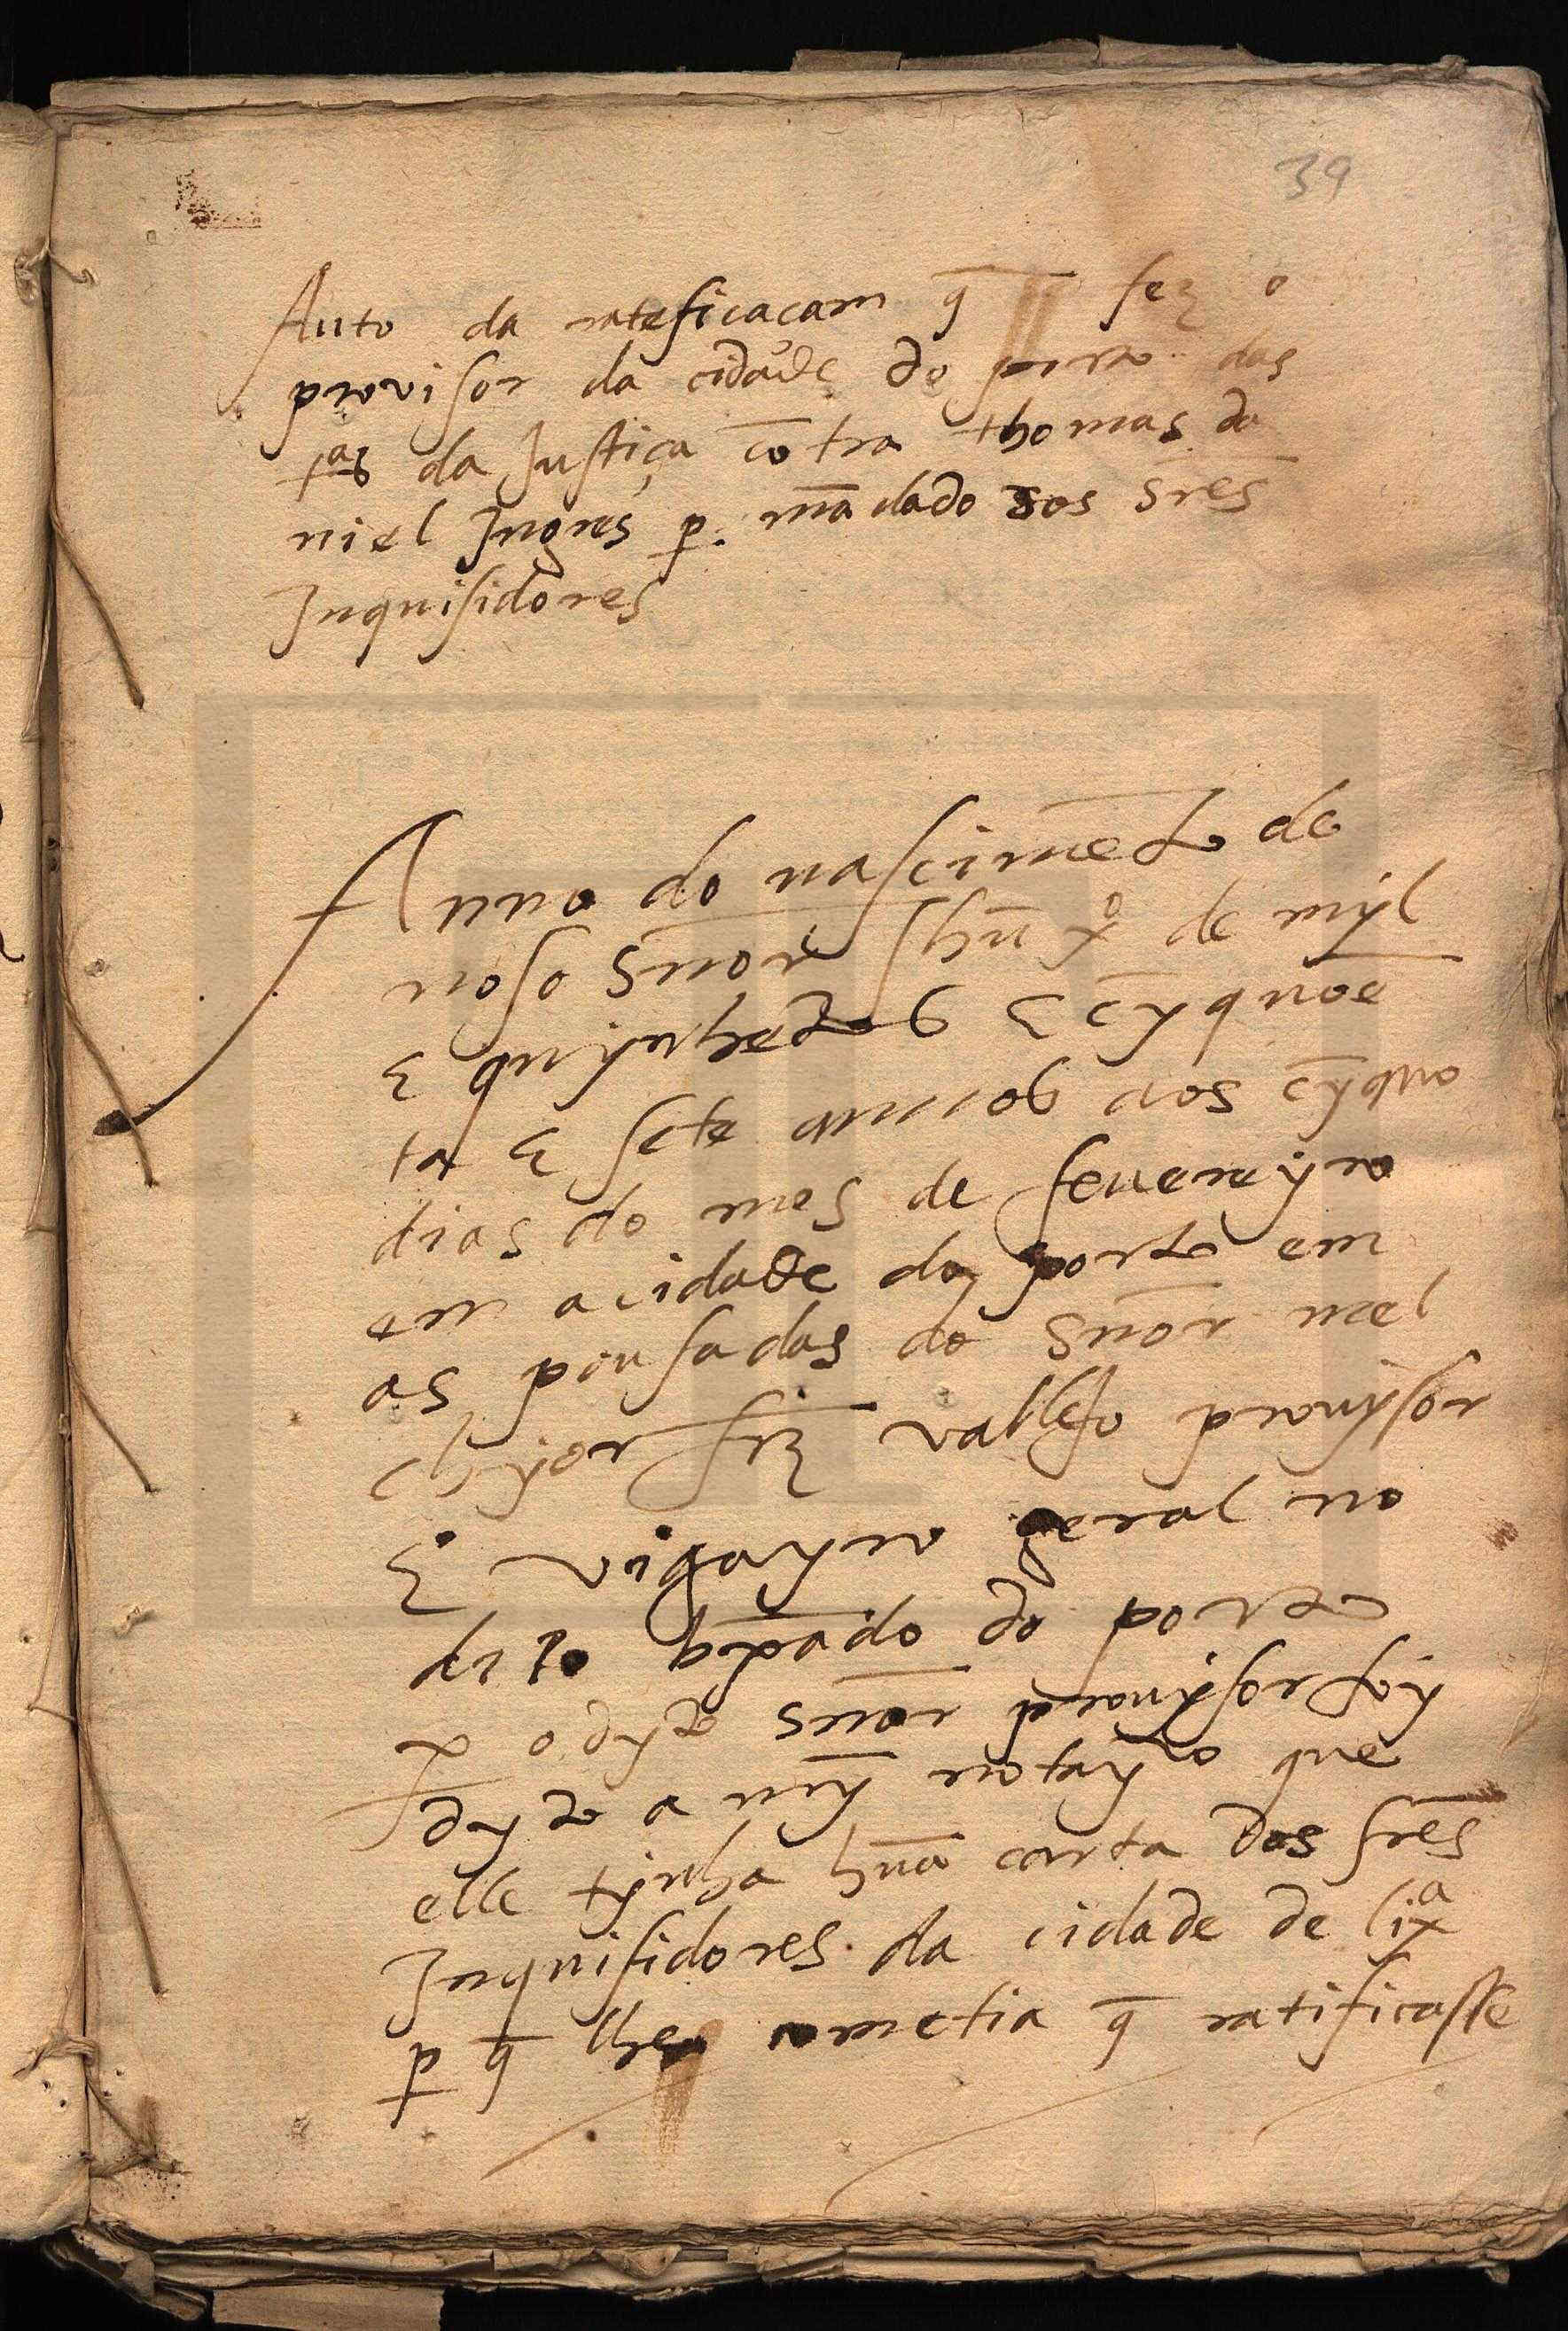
Auto da rateficaçam q̄ fez o
provisor da cidade do porto das
tas da Justiça c̄otra thomas da
niel Jngres ꝑ mādado dos sr̄es
Jnquisidores
Anno do nascimēto de
noso sn̄or Jhū xo de myl
E quynhētos E cȳquoē
ta E sete annos aos c̄yquo
dias do mes de feuereyro
em a cidade do porto em
as pousadas do snōr mel
chyor f̄rz valleJo prouysor
E vigayro geral no
dito bp̄ado do porto
ꝑ o dyto sn̄or prouysor foy
dyto a mȳ notayro que
elle tynha hūa carta dos srēs
Jnquisidores da cidade de lixa
ꝑ q̄ lhe cometia q̄ ratificasse
